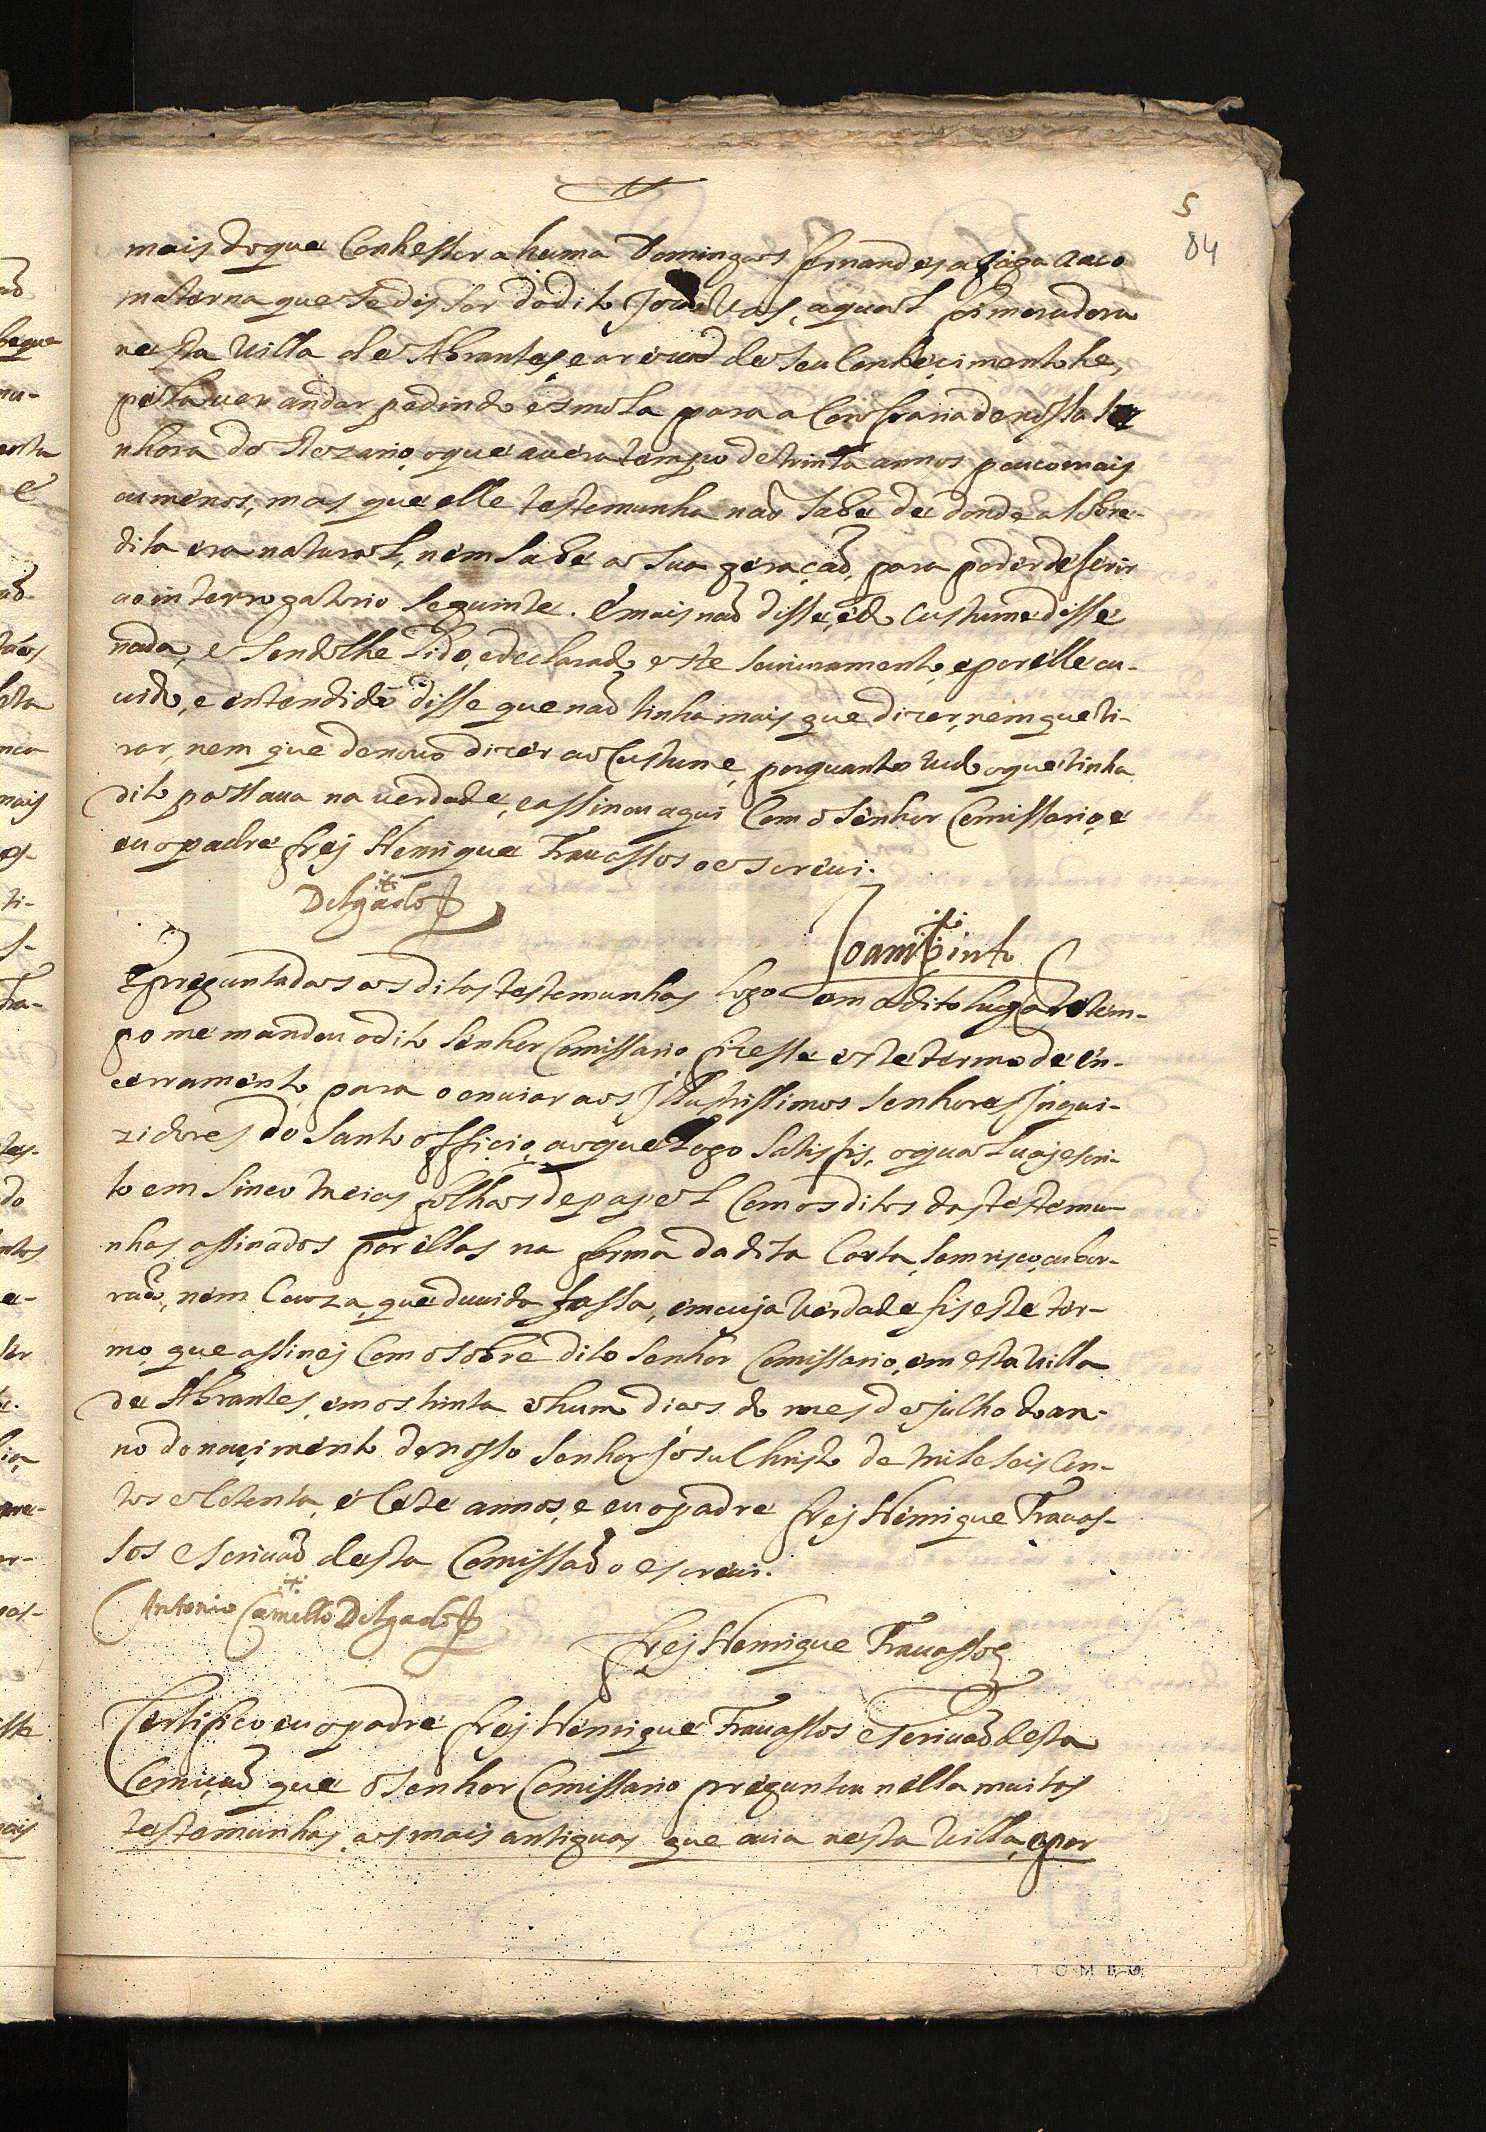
mais do que Conhesser a huma Domingas fernandes a Gaga auo
materna que se dis ser do dito Joaõ Vas, a qual foi moradora
nesta villa de Abrantes, e a rezaõ de seu conhecimento he,
pela uer andar pedindo esmola para a Confraria de nossa se
nhora do Rozario, o que auera tempo de trinta annos pouco mais
ou menos, mas que elle testemunha naõ sabe de donde a sobre
dita era natural, nem sabe a sua geração, para poder deferir
ao interrogatorio seguinte. E mais naõ disse, e do custume disse
nada, e sendolhe Lido, e declarado este seu iuramento, e por elle ou
uido, e entendido disse que naõ tinha mais que dizer, nem que ti
rar, nem que de nouo dizer ao Custume, porquanto tudo o que tinha
dito passaua na uerdade, e assinou aqui Com o Senhor Comissario, e
eu o padre frej Henrique Trauassos o escreui.
Delgado
Joam pinto
E preguntadas as ditas testemunhas logo em o dito lugar e tem
po me mandou o dito Senhor Comissario fizesse este termo de en
cerramento para o enuiar aos Jllustrissimos Senhores Jnqui
zidores do santo officio ao que Logo satisfis, o qual uaj escri
to em sinco meias folhas de papel Com os ditos das testemun
nhas assinados por ellas na forma da dita Carta, sem risco, ou bor
raõ, nem Couza, que duuida fassa, em cuja verdade fis este ter
mo, que assinej Com o sobredito senhor Comissario, em esta Villa
de Abrantes, em os trinta e hum dias do mes de julho do an
no do nacimento de nosso Senhor Jesu Christo de mil e seiscen
tos e cetenta, e cete annos, e eu o padre frej Henrique Trauas
sos escriuaõ desta Comissaõ o escreui.
Antonio Camello Delgado
frej Henrique Trauassos
Certifico eu o padre frej Henrique Trauassos escriuaõ desta
Comiçaõ que o Senhor Comissario preguntou nella muitas
testemunhas, as mais antiguas que auia nesta Villa, e por
